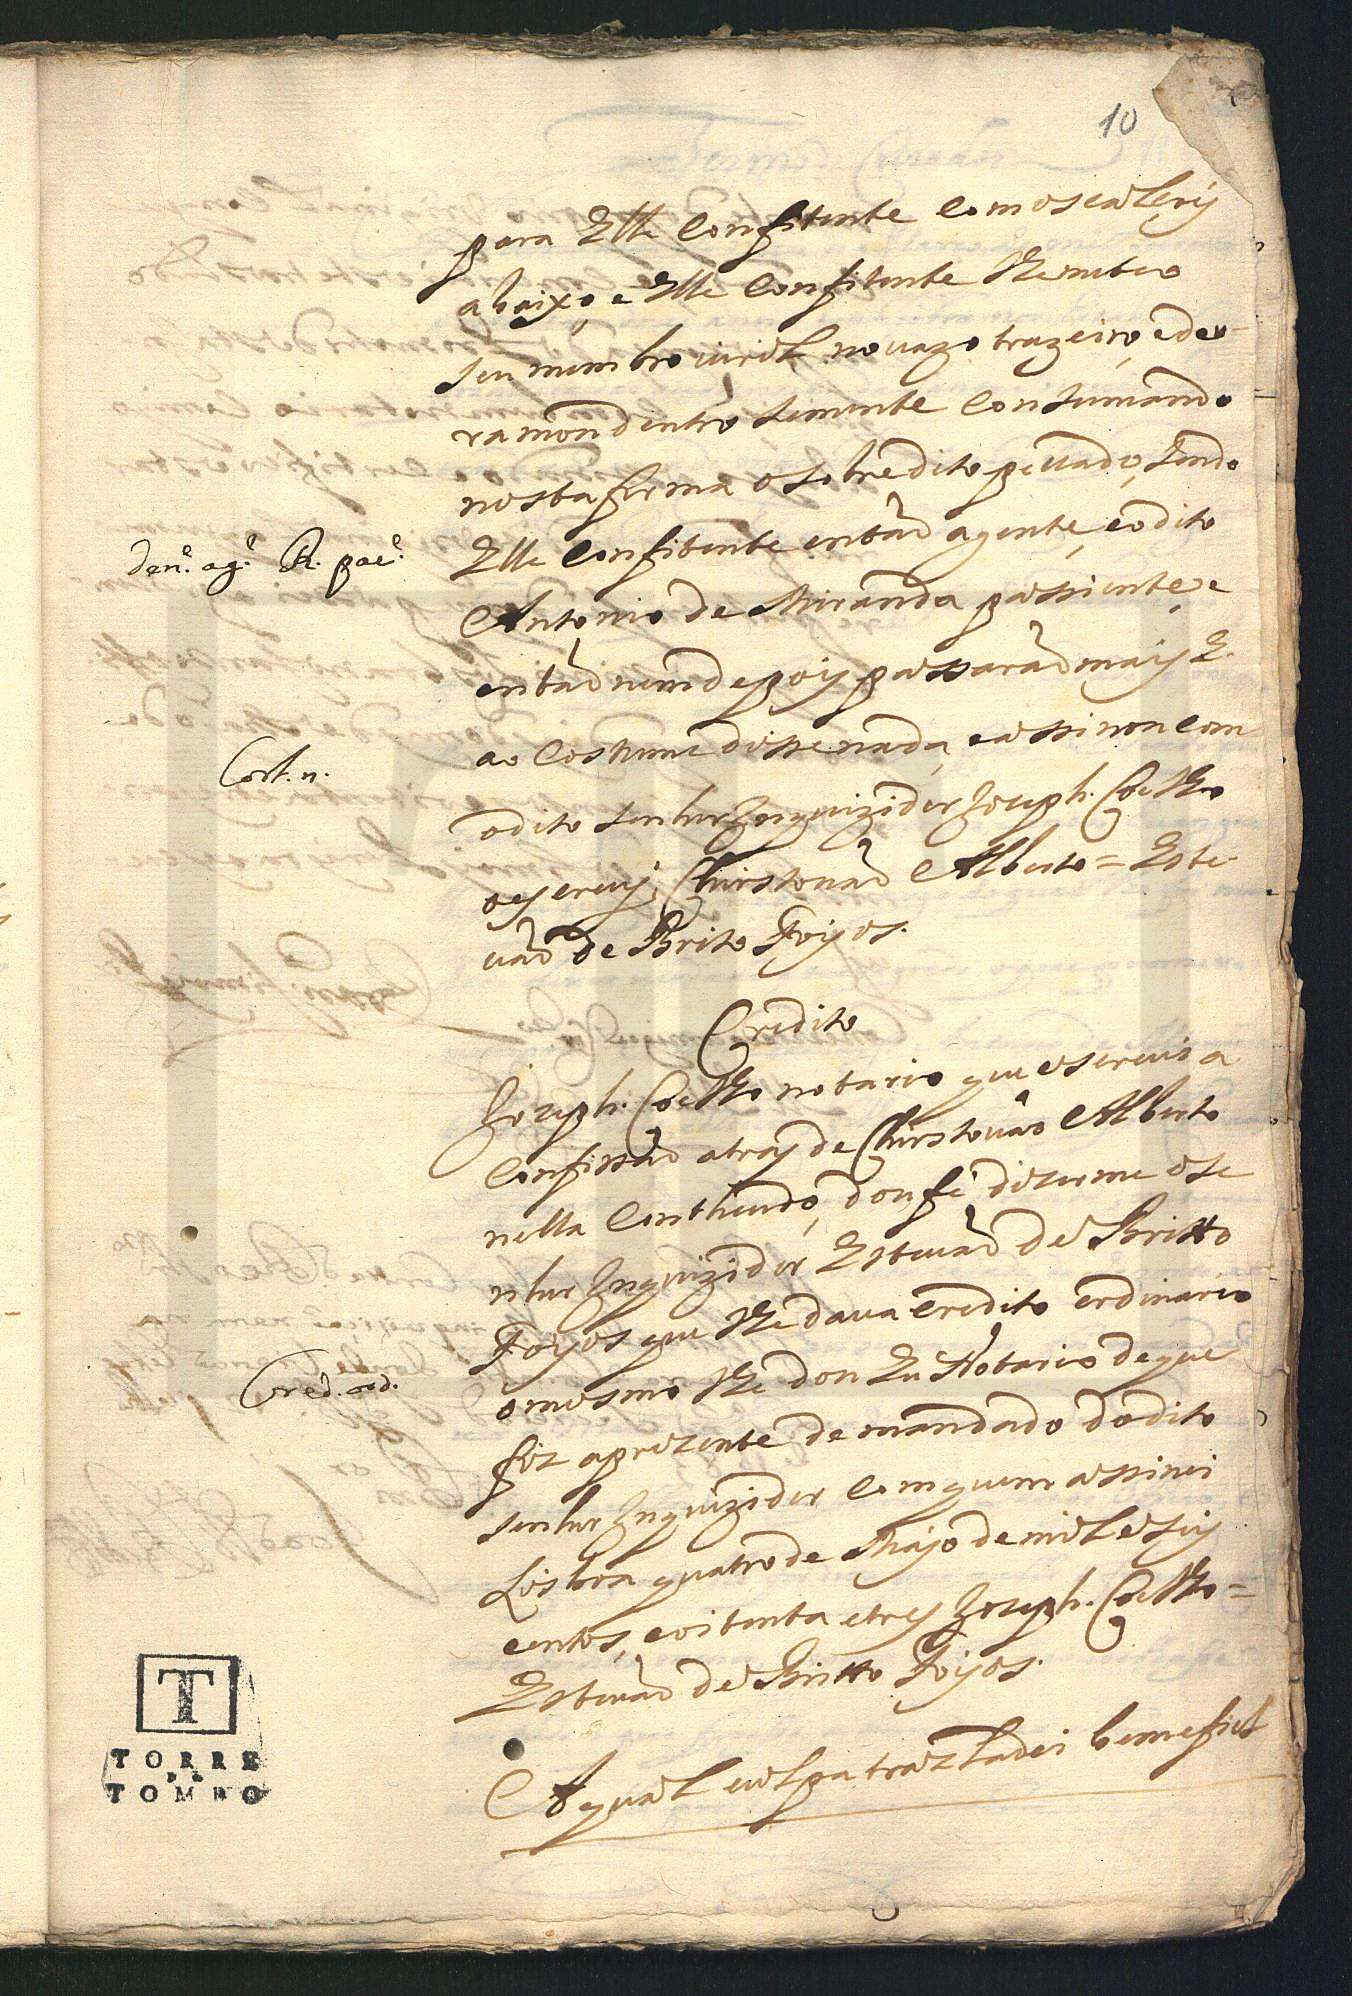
para Elle confitente com os calçois
abaixo, e Elle confitente lhe meteo
seu membro uiril no uazo trazeiro, e der
ramou dentro semente consumando
nesta forma o sobredito peccado, sendo
Elle confitente entaõ agente, e o dito
Antonio de Miranda passiente, e
entaõ nem depois passaraõ mais E
ao costume disse nada, e assinou com
o dito senhor Jnquizidor Jozeph. Coelho
o escreuj Christouaõ Alberto = Este
uaõ de Brito Foyos.
Credito
Jozeph. Coelho notario que escreui a
confissaõ atras de Christouaõ Alberto
nella contheudo, dou fé dizerme o se
nhor Jnquizidor Esteuaõ de Britto
Foyos que lhe daua credito ordinario
o mesmo lhe dou Eu Notario de que
fiz a prezente de mandado do dito
senhor Jnquizidor com quem assinei
Lisboa quatro de Majo de miL e seis
centos, e oitenta e tres Jozeph. Coelho
Esteuaõ de Britto Foyos.
A quaL culpa trazLadei bem e fiel
den.e ag.e R. pace.
Cost. n.
Cred. ord.
